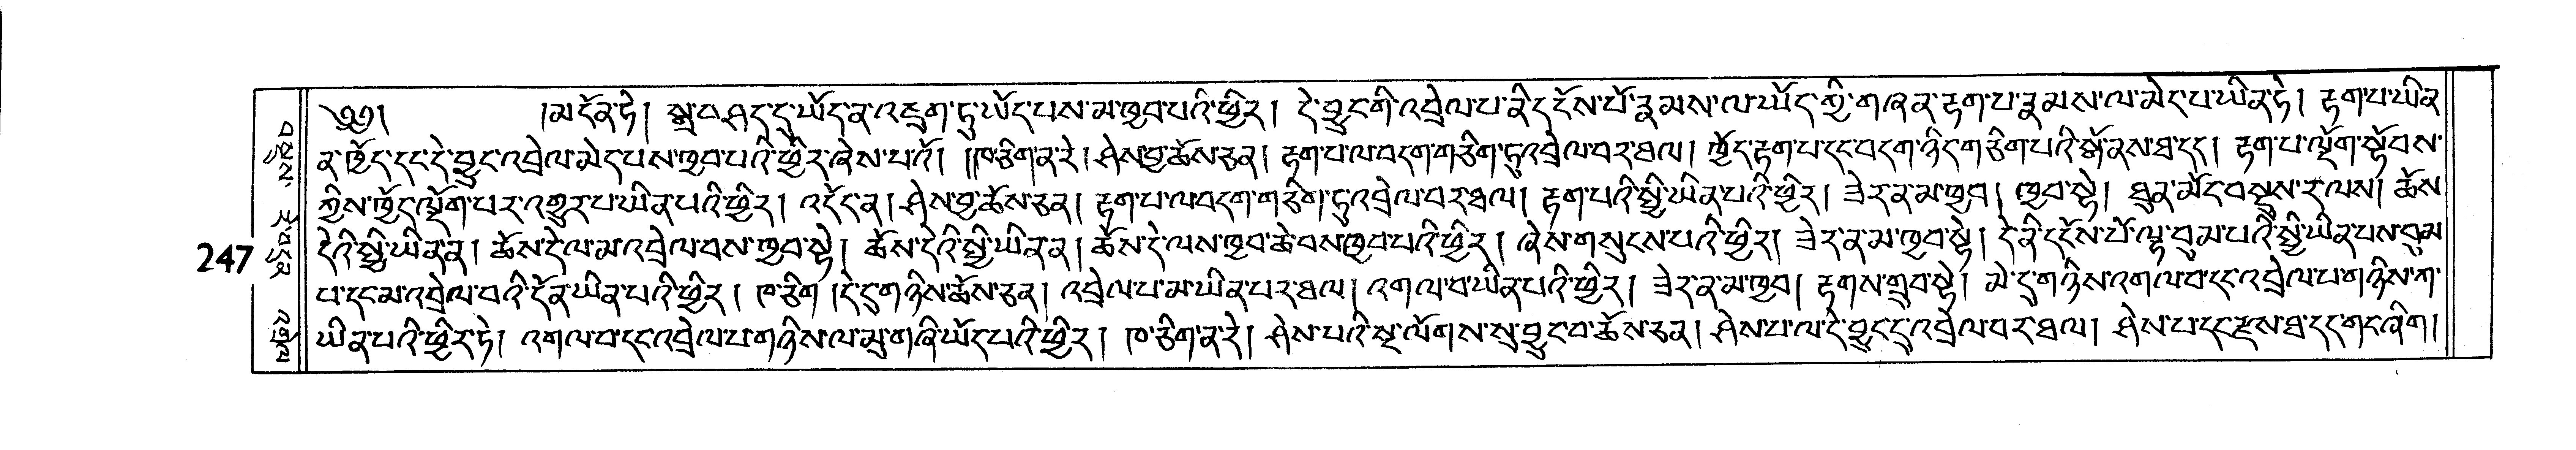༄༅། །མངོན་ཏེ། སྒྲ་བཤད་དུ་ཡོད་ན་འཇུག་ཏུ་ཡོད་པས་མ་ཁྱབ་པའི་ཕྱིར། དེ་བྱུང་གི་འབྲེལ་པ་ནི་དངོས་པོ་རྣམས་ལ་ཡོད་ཀྱི་གཞན་རྟག་པ་རྣམས་ལ་མེད་པ་ཡིན་ཏེ། རྟག་པ་ཡིན་
ན་ཁྱོད་དང་དེ་བྱུང་འབྲེལ་མེད་པས་ཁྱབ་པའི་ཕྱིར་ཞེས་པའོ། །ཁ་ཅིག་ན་རེ། ཤེས་བྱ་ཆོས་ཅན། རྟག་པ་ལ་བདག་གཅིག་ཏུ་འབྲེལ་བར་ཐལ། ཁྱོད་རྟག་པ་དང་བདག་ཉིད་གཅིག་པའི་སྒོ་ནས་ཐ་དད། རྟག་པ་ལྡོག་སྟོབས་
ཀྱིས་ཁྱོད་ལྡོག་པར་འགྱུར་པ་ཡིན་པའི་ཕྱིར། འདོད་ན། ཤེས་བྱ་ཆོས་ཅན། རྟག་པ་ལ་བདག་གཅིག་ཏུ་འབྲེལ་པར་ཐལ། རྟག་པའི་སྤྱི་ཡིན་པའི་ཕྱིར། ཟེར་ན་མ་ཁྱབ། ཁྱབ་སྟེ། ཐུན་མོང་བསྡུས་ར་ལས། ཆོས་
དེའི་སྤྱི་ཡིན་ན། ཆོས་དེ་ལ་མ་འབྲེལ་བས་ཁྱབ་སྟེ། ཆོས་དེའི་སྤྱི་ཡིན་ན། ཆོས་དེ་ལས་ཁྱབ་ཆེ་བས་ཁྱབ་པའི་ཕྱིར། ཞེས་གསུངས་པའི་ཕྱིར། ཟེར་ན་མ་ཁྱབ་སྟེ། དེ་ནི་དངོས་པོ་ལྟ་བུམ་པའི་སྤྱི་ཡིན་པས་བུམ་
པ་དང་མ་འབྲེལ་བའི་དོན་ཡིན་པའི་ཕྱིར། ཁ་ཅིག །དེ་དུ་གཉིས་ཆོས་ཅན། འབྲེལ་པ་མ་ཡིན་པར་ཐལ། འགལ་བ་ཡིན་པའི་ཕྱིར། ཟེར་ན་མ་ཁྱབ། རྟགས་གྲུབ་སྟེ། མེ་དུ་གཉིས་འགལ་བ་དང་འབྲེལ་པ་གཉིས་ཀ་
ཡིན་པའི་ཕྱིར་ཏེ། འགལ་བ་དང་འབྲེལ་པ་གཉིས་ལ་མུ་གཞི་ཡོད་པའི་ཕྱིར། ཁ་ཅིག་ན་རེ། ཤེས་པའི་སྔ་ལོགས་སུ་བྱུང་བ་ཆོས་ཅན། ཤེས་པ་ལ་དེ་བྱུང་དུ་འབྲེལ་བར་ཐལ། ཤེས་པ་དང་རྫས་ཐ་དད་གང་ཞིག །